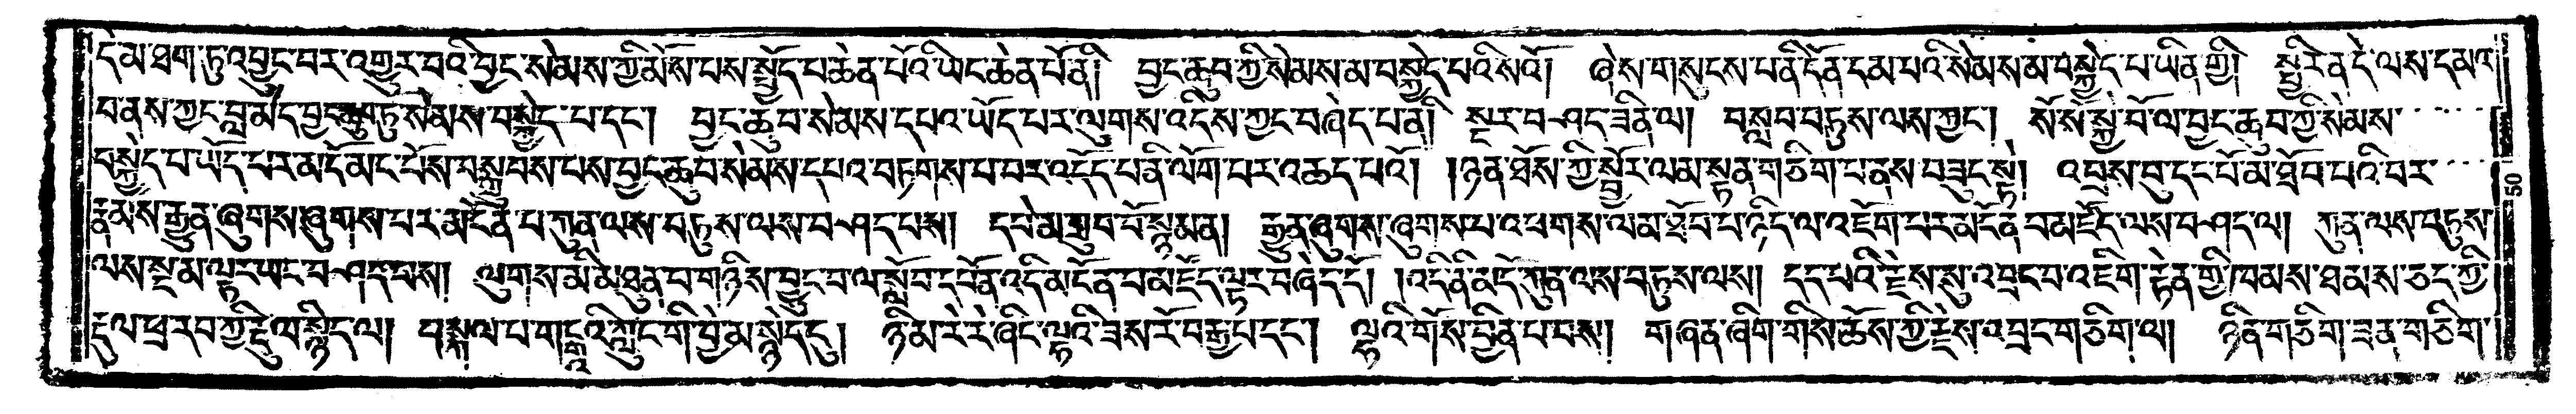དེ་མ་ཐག་ཏུ་འབྱུང་བར་འགྱུར་བའི་བྱང་སེམས་ཀྱི་མོས་པས་སྤྱོད་པ་ཆེན་པོའི་ཡང་ཆེན་པོ་ནི། བྱང་ཆུབ་ཀྱི་སེམས་མ་བསྐྱེད་པའི་སའོ། ཞེས་གསུངས་པ་ནི་དོན་དམ་པའི་སེམས་མ་བསྐྱེད་པ་ཡིན་གྱི། སྤྱིར་ན་དེ་ལས་དམའ་
བ་ནས་ཀྱང་བླ་མེད་བྱང་ཆུབ་ཏུ་སེམས་བསྐྱེད་པ་དང་། བྱང་ཆུབ་སེམས་དཔའ་ཡོད་པར་ལུགས་འདིས་ཀྱང་བཞེད་པ་ནི། སྔར་བཤད་ཟིན་ལ། བསླབ་བཏུས་ལས་ཀྱང་། སོ་སོ་སྐྱེ་བོ་ལ་བྱང་ཆུབ་ཀྱི་སེམས་
བསྐྱེད་པ་ཡོད་པར་མདོ་མང་པོས་བསྒྲུབས་པས་བྱང་ཆུབ་སེམས་དཔའ་བཏགས་པ་བར་འདོད་པ་ནི་ལོག་པར་འཆད་པའོ། །ཉན་ཐོས་ཀྱི་སྦྱོར་ལམ་སྟན་གཅིག་པ་ནས་བཟུང་སྟེ། འབྲས་བུ་དང་པོ་མ་ཐོབ་པའི་བར་
རྣམས་རྒྱུན་ཞུགས་ཞུགས་པར་མངོན་པ་ཀུན་ལས་བཏུས་ལས་བཤད་པས་།དཔེ་མ་གྲུབ་བོ་སྙམ་ན། རྒྱུན་ཞུགས་ཞུགས་པ་འཕགས་ལམ་ཐོབ་པ་ཉིད་ལ་འཇོག་པར་མངོན་པ་མཛོད་ལས་བཤད་ལ། ཀུན་ལས་བཏུས་
ལས་སྔ་མ་ལྟར་ཡང་བཤད་པས། ལུགས་མི་མཐུན་པ་གཉིས་བྱུང་བ་ལ་སློབ་དཔོན་འདི་མངོན་པ་མཛོད་ལྟར་བཞེད་དོ། །འདི་ནི་མདོ་ཀུན་ལས་བཏུས་ལས། དད་པའི་རྗེས་སུ་འབྲང་བ་འཇིག་རྟེན་གྱི་ཁམས་ཐམས་ཅད་ཀྱི་
རྡུལ་ཕྲ་རབ་ཀྱི་རྡུལ་སྙེད་ལ། བསྐལ་པ་གངྒཱའི་ཀླུང་གི་བྱེ་མ་སྙེད་དུ། ཉི་མ་རེ་རེ་ཞིང་ལྷའི་ཟས་རོ་བརྒྱ་པ་དང་། ལྷའི་གོས་བྱིན་པ་བས། གཞན་ཞིག་གིས་ཆོས་ཀྱི་རྗེས་འབྲང་གཅིག་ལ། ཉིན་གཅིག་ཟན་གཅིག་